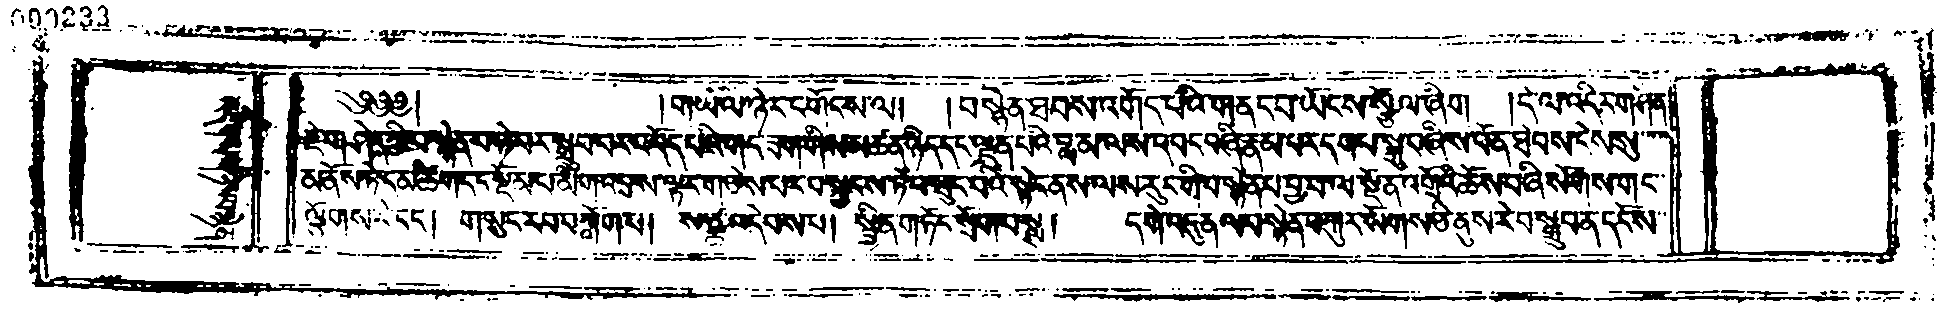༄༅༅། །གཡེལ་ཉེར་དགོངས་ལ། །བསྙེན་ཐབས་འགོད་པའི་གནང་བ་ཡོངས་སྩོལ་ཞིག །དེ་ལ་འདིར་གཤིན་
རྗེ་གཤེད་ཀྱི་བསྙེན་པ་ཉེ་བར་སྒྲུབ་པར་འདོད་པའི་གང་ཟག་གིས་མཚན་ཉིད་དང་ལྡན་པའི་བླ་མ་ལས་དབང་བཞི་རྣམ་པར་དག་པ་སྐུ་བཞི་ས་བོན་ཐེབས་ངེས་སུ་
མནོས་ཏེ་དམ་ཚིག་དང་སྡོམ་པ་མིག་འབྲས་ལྟར་གཅེས་པར་བསྐྱངས་ཏེ་བསྲུང་བའི་སྟེང་ནས་ལས་རུང་གི་བསྙེན་པ་བྱ་བ་ལ་སྔོན་འགྲོའི་ཆོས་བཞི་སོགས་གང་
ལྕོགས་རེ་དང་། གསུང་རབ་བཀློག་པ། ས་ཙྪ་འདེབས་པ། སྦྱིན་གཏོང་སྲོག་བསླུ། དགེ་འདུན་ལ་བསྙེན་བཀུར་སོགས་ཅི་ནུས་རེ་བ་སྒྲུབ་ན་དངོས་